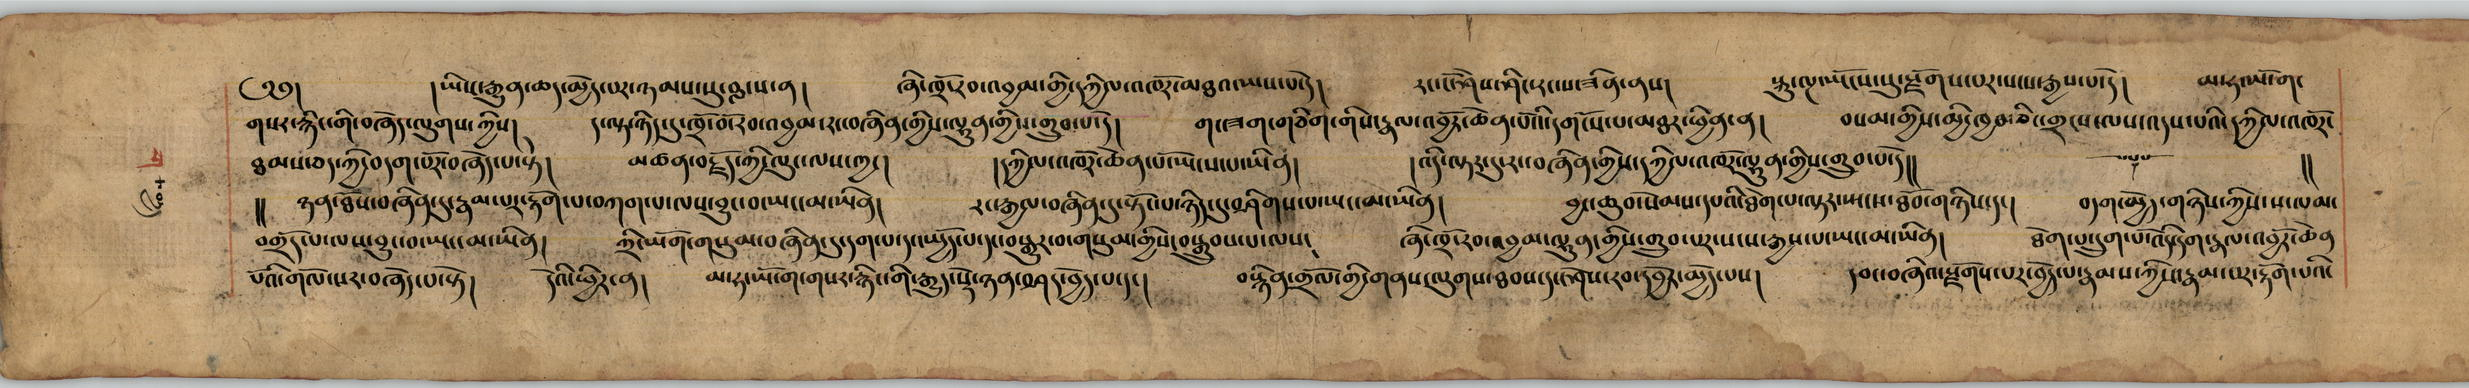༄༅། །ཡིས་རྒྱུན་ཆད་མྱེད་པར་ཉམས་སུ་བླངས་ན། ཞི་ཁྲོ་རབ་འབྱམ་གྱི་དཀྱིལ་འཁོར་མཐའ་ཡས་པ་དེ། རང་ངོ་ཤེས་ཤིང་རང་ས་ཟིན་ནས། སྐུ་ལྔ་ཡོངས་སུ་སྫོགས་པར་སངས་རྒྱས་པ་དེ། མ་ཧ་ཡོ་ག་
གསར་རྙིང་གི་བཞེད་ལུགས་ཀྱིས། ད་ལྟ་ཉིད་དུ་ཁྲོ་བོ་རབ་འབྱམ་རང་བཞིན་གྱིས་ལྷུན་གྱིས་གྲུབ་པ་དེ། གང་ཟག་གཅིག་གིས་རྣལ་འབྱོར་ཆེན་པོའི་དགོངས་པ་མཐར་ཕྱིན་ན། བསམ་གྱིས་མྱི་ཁྱབ་ཅིང་གྲངས་ལས་འདས་པའི་དཀྱིལ་འཁོར་
ཐམས་ཅད་ཀྱི་བདག་པོར་བཞེད་པ་སྟེ། མཚན་བརྗོད་ཀྱི་ལུང་ལུས་ཀྱང། །དཀྱིལ་འཁོར་ཆེན་པོ་ཡོངས་པ་ཡིན། །འདི་ལྟར་དུ་རང་བཞིན་གྱིས་དཀྱིལ་འཁོར་ལྷུན་གྱིས་གྲུབ་པ་དེ།། ༒
།། ཉན་ཐོས་བཞིན་དུ་རྣམ་པར་རྟོག་པ་བཀག་པ་ལས་བྱུང་བ་ཡང་མ་ཡིན། རང་རྒྱལ་བཞིན་དུ་སྟོང་པ་ཉིད་དུ་བཤིགས་པ་ཡང་མ་ཡིན། བྱང་ཆུབ་སེམས་དཔའི་ཐེག་པ་ལྟར་སྤངས་ཐོབ་གཉིས་དང། བདག་མྱེད་གཉིས་ཀྱིས་ས་ལམ་
བགྲོད་པ་ལས་བྱུང་བ་ཡང་མ་ཡིན། ཀྲི་ཡོག་གསུམ་བཞིན་དུ་དག་པ་དང་སྤྱོད་པ་དང་བསྒྱུར་བ་གསུམ་གྱིས་བསྒྲུབས་པ་ལས། ཞི་ཁྲོ་རབ་འབྱམ་ལྷུན་གྱིས་གྲུབ་པར་སངས་རྒྱས་པ་ཡང་མ་ཡིན། ཐེག་པ་དྲུག་པོ་འདི་དག་རྣལ་འབྱོར་ཆེན
པོའི་གོལ་སར་བཞེད་པ་སྟེ། དེའི་ཕྱིར་ན། མ་ཧ་ཡོ་ག་གསར་རྙིང་གི་རྒྱུད་སྡེ་ཉན་བཤད་བྱེད་པ་དང། བསྙིན་གྲོལ་གྱི་གནས་ལུགས་ཐབས་དང་ཤེས་རབ་དབྱེར་མྱེད་པས། དབང་བཞིའ་སྫོགས་པར་བྱེད་པ་རྣམས་ཀྱིས་རྣམ་པར་རྟོག་པའི་